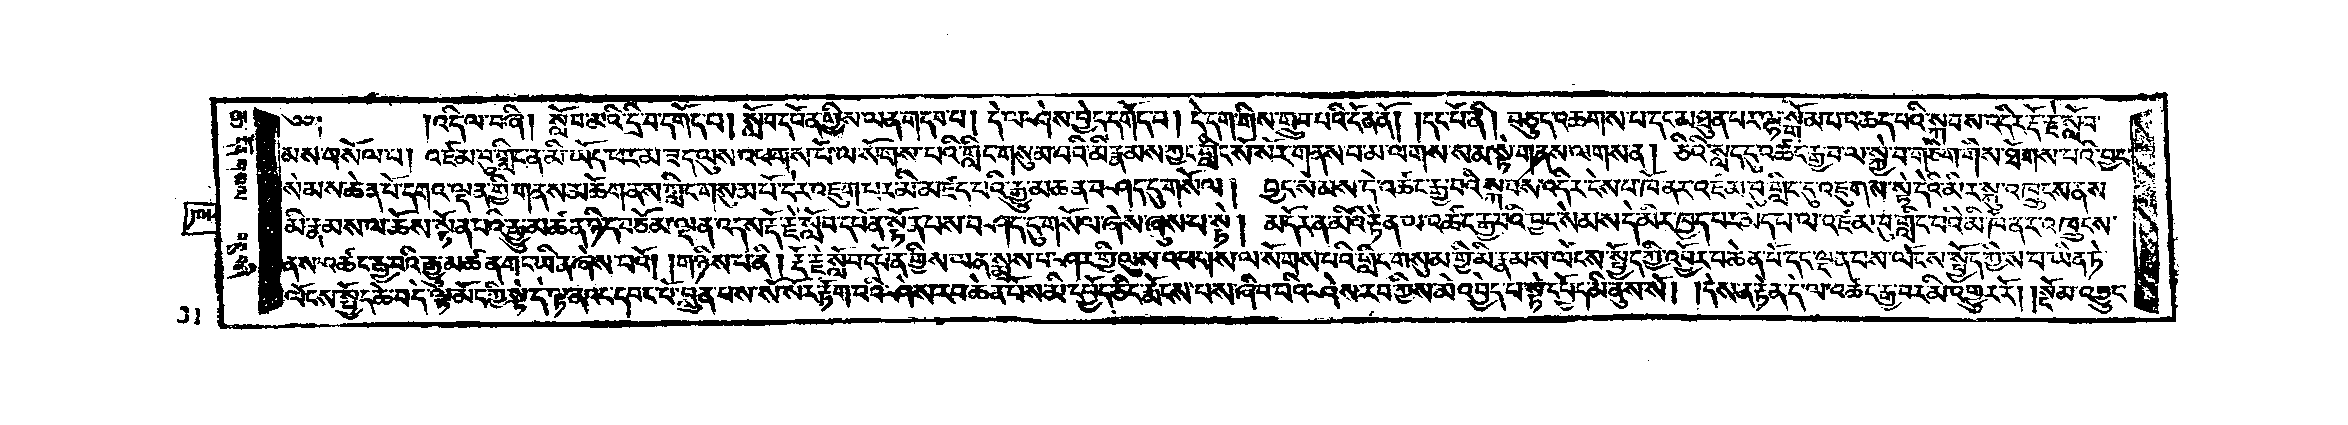༄༅། །འདི་ལ་བཞི། སློབ་མའི་དྲི་བ་དགོད་པ། སློབ་དཔོན་གྱིས་ལན་གདབ་པ། དེ་ལ་ཤེས་བྱེད་དགོད་པ། དེ་དག་གིས་གྲུབ་པའི་དོན་ནོ། །དང་པོ་ནི། བཅུད་འཆགས་པ་དང་མཐུན་པར་ལྷ་སྒོམ་པ་འཆད་པའི་སྐབས་འདིར་རྡོ་རྗེ་སློབ་
མས་གསོལ་པ། འཛམ་བུ་གླིང་ན་མི་ཡོད་པར་མ་ཟད་ལུས་འཕགས་པོ་ལ་སོགས་པའི་གླིང་གསུམ་པའི་མི་རྣམས་ཀྱང་གླིང་སོ་སོར་གནས་པ་མ་ལགས་སམ་སྟེ་གནས་ལགས་ན། ཅིའི་སླད་དུ་འཚང་རྒྱ་བ་ལ་སྐྱེ་བ་གཅིག་གིས་ཐོགས་པའི་བྱང་
སེམས་ཆེན་པོ་དགའ་ལྡན་གྱི་གནས་མཆོག་ནས་གླིང་གསུམ་པོ་དེར་འཇུག་པར་མི་མཛད་པའི་རྒྱུ་མཚན་བཤད་དུ་གསོལ། བྱང་སེམས་ད་འཚང་རྒྱ་བའི་སྐབས་འདིར་ངེས་པ་ཁོ་ནར་འཛམ་བུ་གླིང་དུ་འཇུག་པ་སྟེ་དེའི་མིར་སྐུ་འཁྲུངས་ནས་
མི་རྣམས་ལ་ཆོས་སྟོན་པའི་རྒྱུ་མཚན་ཉིད་བཅོམ་ལྡན་འདས་རྡོ་རྗེ་སློབ་དཔོན་སྟོན་པས་བཤད་དུ་གསོལ་ཞེས་ཞུས་པ་སྟེ། མདར་ན་མིའི་རྟེན་ལ་འཚང་རྒྱ་བའི་བྱང་སེམས་དེ་མིར་ཁྱད་པར་མེད་པ་ལ་འཛམ་བུ་གླིང་པའི་མི་ཁོ་ནར་འཁྲུངས་
ནས་འཚང་རྒྱ་བའི་རྒྱུ་མཚན་གང་ཡིན་ཞེས་པའོ། །གཉིས་པ་ནི། རྡོ་རྗེ་སློབ་དཔོན་གྱིས་ལན་སྨྲས་པ་ཤར་གྱི་ལུས་འཕགས་ལ་སོགས་པའི་གླིང་གསུམ་གྱི་མི་རྣམས་ལོངས་སྤྱོད་ཀྱི་འབྱོར་བ་ཆེན་པོ་དང་ལྡན་པས་ལོངས་སྤྱོད་ཀྱི་ས་པ་ཡིན་ཏེ་
ལོངས་སྤྱོད་ཆེ་བ་དེ་ལྟ་མོད་ཀྱི་སྟེ་དེ་ལྟ་ནའང་དབང་པོ་བླུན་པས་སོ་སོར་རྟོག་པའི་ཤེས་རབ་ཆེན་པོས་མི་དཔྱོད་ཅིང་རྨོངས་པས་ཞིབ་པའི་ཤེས་རབ་ཀྱིས་མི་འབྱེད་པ་སྟེ་དཔྱོད་མི་ནུས་སོ། །དེས་ན་རྟེན་དེ་ལ་འཚང་རྒྱ་བར་མི་འགྱུར་རོ། །སྡོམ་འབྱུང་